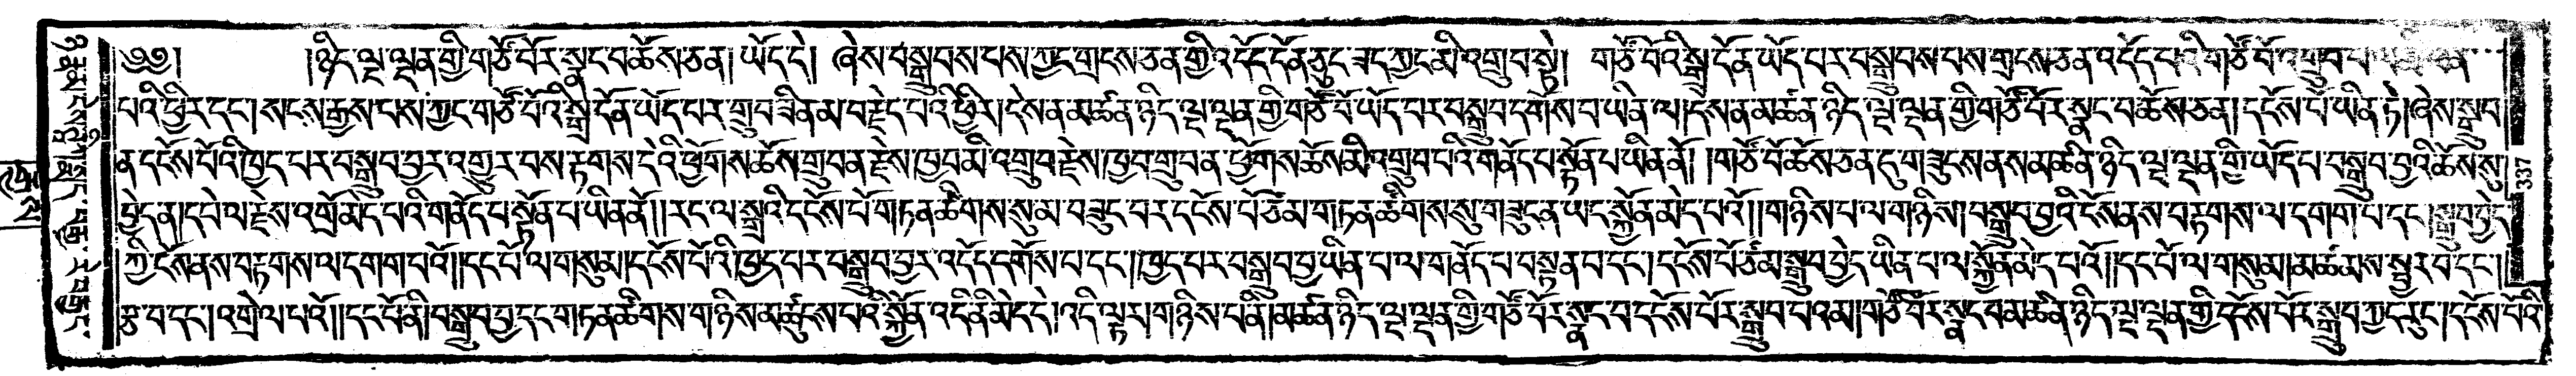༄༅། །ཉིད་ལྔ་ལྡན་གྱི་གཙོ་བོར་སྣང་བ་ཆོས་ཅན། ཡོད་དེ། ཞེས་བསྒྲུབས་པས་ཀྱང་གྲངས་ཅན་གྱི་འདོད་དོན་ཅུང་ཟད་ཀྱང་མི་འགྲུབ་སྟེ། གཙོ་བོའི་སྒྲ་དོན་ཡོད་པར་བསྒྲུབས་པས་གྲངས་ཅན་འདོད་པའི་གཙོ་བོ་འགྲུབ་པ་ལ་མཁན་
པའི་ཕྱིར་དང་། སངས་རྒྱས་པས་ཀྱང་གཙོ་བོའི་སྒྲ་དོན་ཡོད་པར་གྲུབ་ཟིན་མ་བརྗེད་པའི་ཕྱིར། དེས་ན་མཚན་ཉིད་ལྔ་ལྡན་གྱི་གཙོ་བོ་ཡོད་པར་བསྒྲུབ་དགོས་པ་ཡིན་ལ། །དེས་ན་མཚན་ཉིད་ལྔ་ལྡན་གྱི་གཙོ་བོར་སྣང་བ་ཆོས་ཅན། དངོས་པོ་ཡིན་ཏེ། ཞེས་སྒྲུབ་
ན་དངོས་པོའི་ཁྱད་པར་བསྒྲུབ་བྱར་འགྱུར་བས་རྟགས་དེའི་ཕྱོགས་ཆོས་གྲུབ་ན་རྗེས་ཁྱབ་མི་འགྲུབ་རྗེས་ཁྱབ་གྲུབ་ན་ཕྱོགས་ཆོས་མི་འགྲུབ་པའི་གནོད་པ་སྟོན་པ་ཡིན་ནོ། །གཙོ་བོ་ཆོས་ཅན་དུ་གཟུངས་ནས་མཚན་ཉིད་ལྔ་ལྡན་གྱི་ཡོད་པ་བསྒྲུབ་བྱའི་ཆོས་སུ་
བྱེད་ན། དཔེ་ལ་རྗེས་འགྲོ་མེད་པའི་གནོད་པ་སྟོན་པ་ཡིན་ནོ། །རང་ལ་སྒྲའི་དངོས་པོ་གཏན་ཚིགས་སུ་མ་བཟུང་བར་དངོས་པོ་ཙམ་གཏན་ཚིགས་སུ་གཟུང་ན་ཡང་སྐྱོན་མེད་པའོ། །གཉིས་པ་ལ་གཉིས། བསྒྲུབ་བྱའི་ངོས་ནས་བརྟགས་ལ་དགག་པ་དང་། སྒྲུབ་བྱེད་
ཀྱི་ངོས་ནས་བརྟགས་ལ་དགག་པའོ། །དང་པོ་ལ་གསུམ། །དངོས་པོའི་ཁྱད་པར་བསྒྲུབ་བྱར་འདོད་དགོས་པ་དང་། ཁྱད་པར་བསྒྲུབ་བྱ་ཡིན་པ་ལ་གནོད་པ་བསྟན་པ་དང་། དངོས་པོ་ཙམ་སྒྲུབ་བྱེད་ཡིན་པ་ལ་སྐྱོན་མེད་པའོ། །དང་པོ་ལ་གསུམ། མཚམས་སྦྱར་བ་དང་།
རྩ་བ་དང་། འགྲེལ་པའོ། །དང་པོ་ནི། བསྒྲུབ་བྱ་དང་གཏན་ཚིགས་གཉིས་མཚུངས་པའི་སྐྱོན་འདི་ནི་མེད་དེ། འདི་ལྟར། གཉིས་པ་ནི། མཚན་ཉིད་ལྔ་ལྡན་གྱི་གཙོ་བོར་སྣང་བ་དངོས་པོར་སྒྲུབ་པའམ། གཙོ་བོར་སྣང་བ་མཚན་ཉིད་ལྔ་ལྡན་གྱི་དངོས་པོར་སྒྲུབ་ཀྱང་རུང་། དངོས་པོའི་